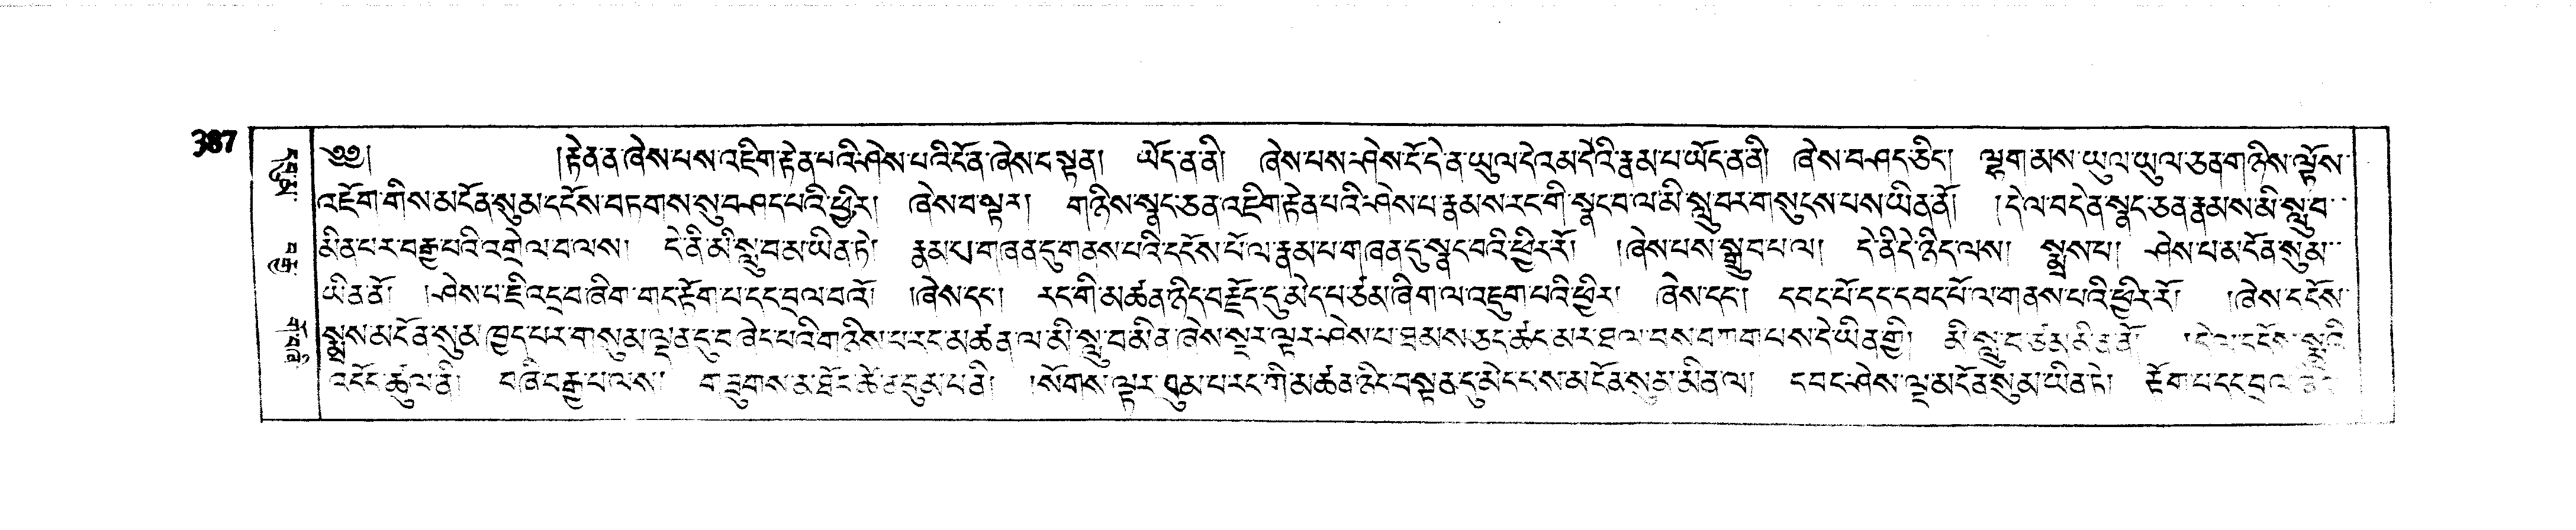༄༅། །རྟེན་ན་ཞེས་པས་འཇིག་རྟེན་པའི་ཤེས་པའི་ངོ་ན་ཞེས་བསྟན། ཡོད་ན་ནི། ཞེས་པས་ཤེས་ངོ་དེ་ན་ཡུལ་དེའམ་དེའི་རྣམ་པ་ཡོད་ན་ནི། ཞེས་བཤད་ཅིང་། ལྷག་མས་ཡུལ་ཡུལ་ཅན་གཉིས་ལྟོས་
འཇོག་གིས་མངོན་སུམ་དངོས་བཏགས་སུ་བཤད་པའི་ཕྱིར། ཞེས་བ་ལྟར། གཉིས་སྣང་ཅན་འཇིག་རྟེན་པའི་ཤེས་པ་རྣམས་རང་གི་སྣང་བ་ལ་མི་སླུ་བར་གསུངས་པས་ཡིན་ནོ། །དེ་ལ་བདེན་སྣང་ཅན་རྣམས་མི་སླུ་བ་
མིན་པར་བརྒྱ་པའི་འགྲེལ་བ་ལས། དེ་ནི་མི་སླུ་བ་མ་ཡིན་ཏེ། རྣམ་པ་གཞན་དུ་གནས་པའི་དངོས་པོ་ལ་རྣམ་པ་གཞན་དུ་སྣང་བའི་ཕྱིར་རོ། །ཞེས་པས་སྒྲུབ་པ་ལ། དེ་ནི་དེ་ཉིད་ལས། སྨྲས་པ། ཤེས་པ་མངོན་སུམ་
ཡིན་ནོ། །ཤེས་པ་ཇི་འདྲ་བ་ཞིག་གང་རྟོག་པ་དང་བྲལ་བའོ། །ཞེས་དང་། རང་གི་མཚན་ཉིད་བརྗོད་དུ་མེད་པ་ཙམ་ཞིག་ལ་འཇུག་པའི་ཕྱིར། ཞེས་དང་། དབང་པོ་དང་དབང་པོ་ལ་གནས་པའི་ཕྱིར་རོ། །ཞེས་དངོས་
སྨྲས་མངོན་སུམ་ཁྱད་པར་གསུམ་ལྡན་དུ་བཞེད་པའི་གཉིས་པ་རང་མཚན་ལ་མི་སླུ་བ་མིན་ཞེས་སྔར་ལྟར་ཤེས་པ་ཐམས་ཅད་ཚད་མར་ཐལ་བས་བཀག་པས་དེ་ཡིན་གྱི། མི་སླུ་བ་ཙམ་མིན་ནོ། །དེ་ལ་དངོས་སྨྲའི་
འདོད་ཚུལ་ནི། བཞི་བརྒྱ་པ་ལས། གཟུགས་མཐོང་ཚེ་ན་བུམ་པ་ནི། །སོགས་ལྟར་བུམ་པ་རང་གི་མཚན་ཉིད་བསྟན་དུ་མེད་པས་མངོན་སུམ་མིན་ལ། དབང་ཤེས་ལྔ་མངོན་སུམ་ཡིན་ཏེ། རྟོག་པ་དང་བྲལ་ཞིང་